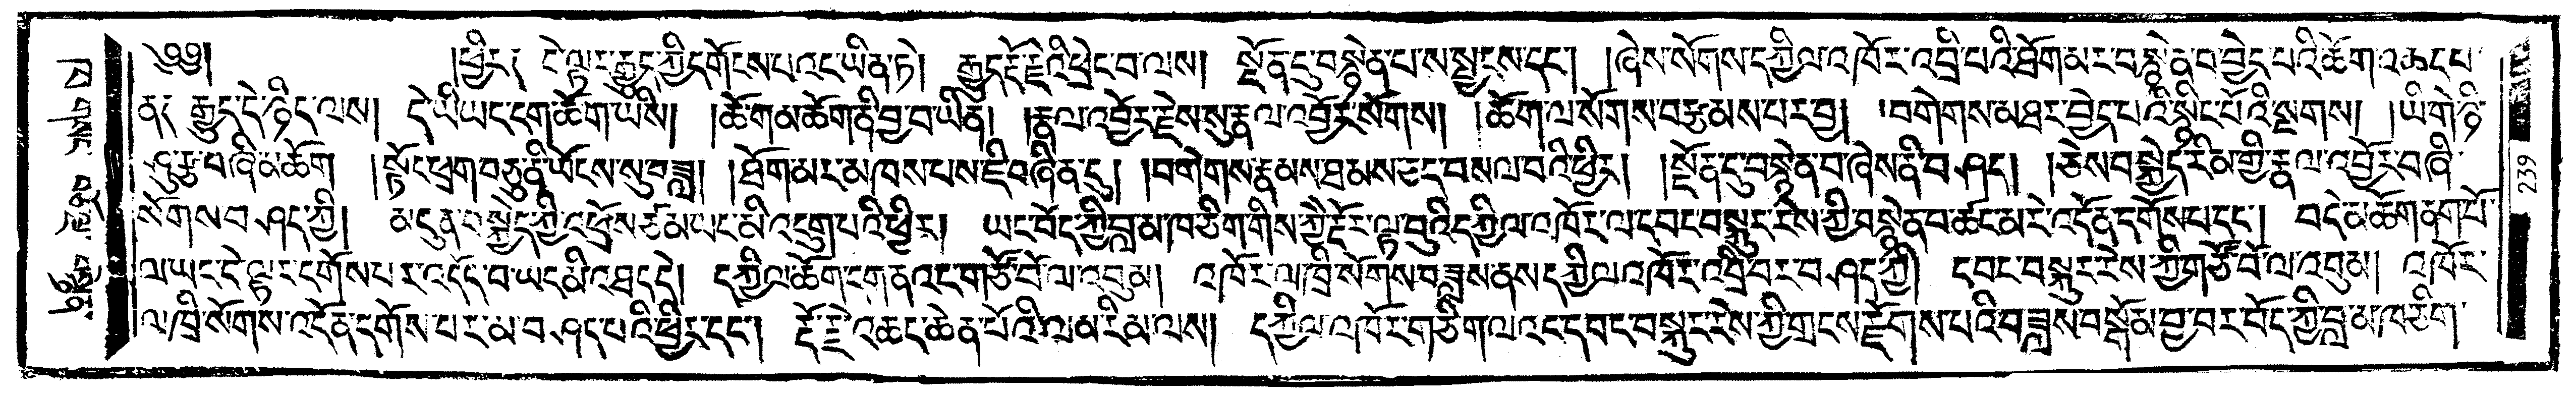༄༅། །ཕྱིར༑ དེ་ལྟར་རྒྱུད་ཀྱི་དགོངས་པའང་ཡིན་ཏེ། རྒྱུད་རྡོ་རྗེའི་ཕྲེང་བ་ལས། སྔོན་དུ་བསྙེན་པས་སྤྱངས་དང་། །ཞེས་སོགས་དཀྱིལ་འཁོར་འབྲི་པའི་ཐོག་མར་བསྙེན་བ་བྱེད་པའི་ཆོག་འཆང་པ་
ན༑ རྒྱུད་དེ་ཉིད་ལས། དེ་ཡི་ཡང་དག་ཆོ་ག་ཡིས། །ཆོ་ག་མཆོག་ནི་བྱ་བ་ཡིན། །རྣལ་འབྱོར་རྗེས་སུ་རྣལ་འབྱོར་སོགས། །ཆོ་ག་ལ་སོགས་བརྩམས་པར་བྱ། །བགེགས་མཐར་བྱེད་པའི་སྙིང་པོའི་སྔགས། །ཡི་གེ་ཉི་
ཤུ་རྩ་བཞི་མཆོག །སྟོང་ཕྲག་བཅུ་ནི་ཡོངས་སུ་བཟླ། །ཐོག་མར་མཁས་པས་ཇི་བཞིན་དུ། །བགེགས་རྣམས་ཐམས་ཅད་བསལ་བའི་ཕྱིར། །སྔོན་དུ་བསྙེན་བ་ཞེས་ནི་བཤད། །ཅེས་བསྐྱེད་རིམ་གྱི་རྣལ་འབྱོར་བཞི་
སོགས་བཤད་ཀྱི། མདུན་བསྐྱེད་ཀྱི་འཕྲོས་ཙམ་ཡང་མི་འདུག་པའི་ཕྱིར། ཡང་བོད་ཀྱི་བླ་མ་ཁ་ཅིག་གིས་ཀྱཻ་རྡོར་ལྟ་བུའི་དཀྱིལ་འཁོར་ལ་དབང་བསྐུར་རེས་ཀྱི་བསྙེན་པ་ཚང་མ་རེ་འདོན་དགོས་པ་དང་། བདེ་མཆོག་ནག་པོ་
ལ་ཡང་དེ་ལྟར་དགོས་པར་འདོད་པ་ཡང་མི་འཐད་དེ། དཀྱིལ་ཆོག་དག་ནའང་གཙོ་བོ་ལ་འབུམ། འཁོར་ལ་ཁྲི་སོགས་བཟླས་ནས་དཀྱིལ་འཁོར་འབྲི་བར་བཤད་ཀྱི། དབང་བསྐུར་རེས་ཀྱི་གཙོ་བོ་ལ་འབུམ། འཁོར་
ལ་ཁྲི་སོགས་འདོན་དགོས་པར་མ་བཤད་པའི་ཕྱིར་དང་། རྡོ་རྗེ་འཆང་ཆེན་པོའི་ལམ་རིམ་ལས། དཀྱིལ་འཁོར་གཅིག་ལའང་དབང་བསྐུར་རེས་ཀྱི་གྲངས་རྫོགས་པའི་བཟླས་བསྒོམ་བྱ་བར་བོད་ཀྱི་བླ་མ་ཁ་ཅིག་